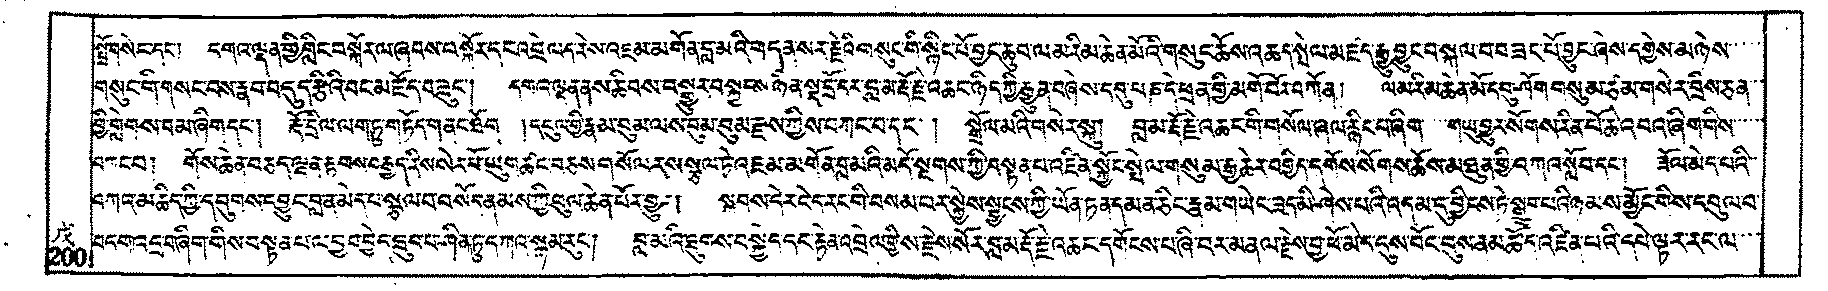སྤྲོ་གསེང་དང་། དགའ་ལྡན་གྱི་གླིང་བསྐོར་ལ་ཞབས་བསྐོར་དང་འབྲེལ་ད་རེས་འཇམ་མགོན་བླ་མའི་གདན་སར་རྗེའི་གསུང་གི་སྙིང་པོ་བྱང་ཆུབ་ལམ་རིམ་ཆེན་མོའི་གསུང་ཆོས་འཆད་སྤེལ་མཛད་རྒྱུ་བྱུང་བ་སྐལ་བ་བཟང་པོ་བྱུང་ཞེས་དགྱེས་མཉེས་
གསུང་གི་གསང་བས་རྣ་བ་བདུད་རྩིའི་བང་མཛོད་བཟུང་། དགའ་ལྡན་ནས་ཆིབས་བསྒྱུར་བསྐྱངས་ཉིན་སྔ་དྲོ་དེར་བླ་མ་རྡོ་རྗེ་འཆང་ཉིད་ཀྱི་རྒྱུན་བཞེས་དབུ་པཎ་དེ་ཕྲན་གྱི་མགོ་བོར་བཀོན། ལམ་རིམ་ཆེན་མོ་དབུ་ཤོག་གསུམ་ཙམ་གསེར་བྲིས་ཅན་
གྱི་གླེགས་བམ་ཞིག་དང་། རྡོ་དྲིལ་ལག་ཏུ་གཏོད་གནང་ཐོག །དངུལ་གྱི་རྣམ་བུམ་ལས་བུམ་བུམ་རྫས་ཀྱིས་བཀང་བ་དང་། སྒྲོལ་མའི་གསེར་སྐུ། བླ་མ་རྡོ་རྗེ་འཆང་གི་གསོལ་ཞལ་རྙིང་པ་ཞིག་གཡུ་བྱུར་སོགས་རིན་པོ་ཆེ་འབའ་ཞིག་གིས་
བཀང་བ། གོས་ཆེན་བཅད་ལྡན་རྟགས་བརྒྱད་རིས་སེར་པོ་ཡུག་ཚང་བཅས་གསོལ་རས་སྩལ་ཏེ་འཇམ་མགོན་བླ་མའི་མདོ་སྔགས་ཀྱི་བསྟན་པ་འཛིན་སྐྱོང་སྤེལ་གསུམ་རྒྱ་ཆེར་བགྱིད་དགོས་སོགས་ཆོས་མཐུན་གྱི་བཀའ་སློབ་དང་། ཟོལ་མེད་པའི་
བཀའ་མཆིད་ཀྱི་དབུགས་དབྱུང་བླ་ན་མེད་པ་སྩལ་བ་བསོད་ནམས་ཀྱི་ཕུལ་ཆེན་པོར་གྱུར། སྐབས་དེར་ངེད་རང་གི་བསམ་པར་སྐྱེས་སྦྱངས་ཀྱི་ཡོན་ཏན་དམན་ཅིང་རྣམ་གཡེང་ཟད་མི་ཤེས་པའི་འདམ་དུ་བྱིངས་ཏེ་སྒྲུབ་པའི་ཉམས་མྱོང་གིས་དབུལ་བ་
བདག་འདྲ་བ་ཞིག་གིས་བསྟན་པ་ལ་བྱ་བ་བྱེད་ཐུབ་པ་ཤིན་ཏུ་དཀའ་སྙམ་རུང་། བླ་མའི་ཐུགས་བསྐྱེད་དང་རྟེན་འབྲེལ་གྱིས་རྗེས་སོར་བླ་མ་རྡོ་རྗེ་འཆང་དགོངས་པ་ཞི་བར་མནལ་རྗེས་བྱ་ཕོ་མེད་དུས་བོང་བུས་ནམ་ཚོད་འཛིན་པའི་དཔེ་ལྟར་རང་ལ་